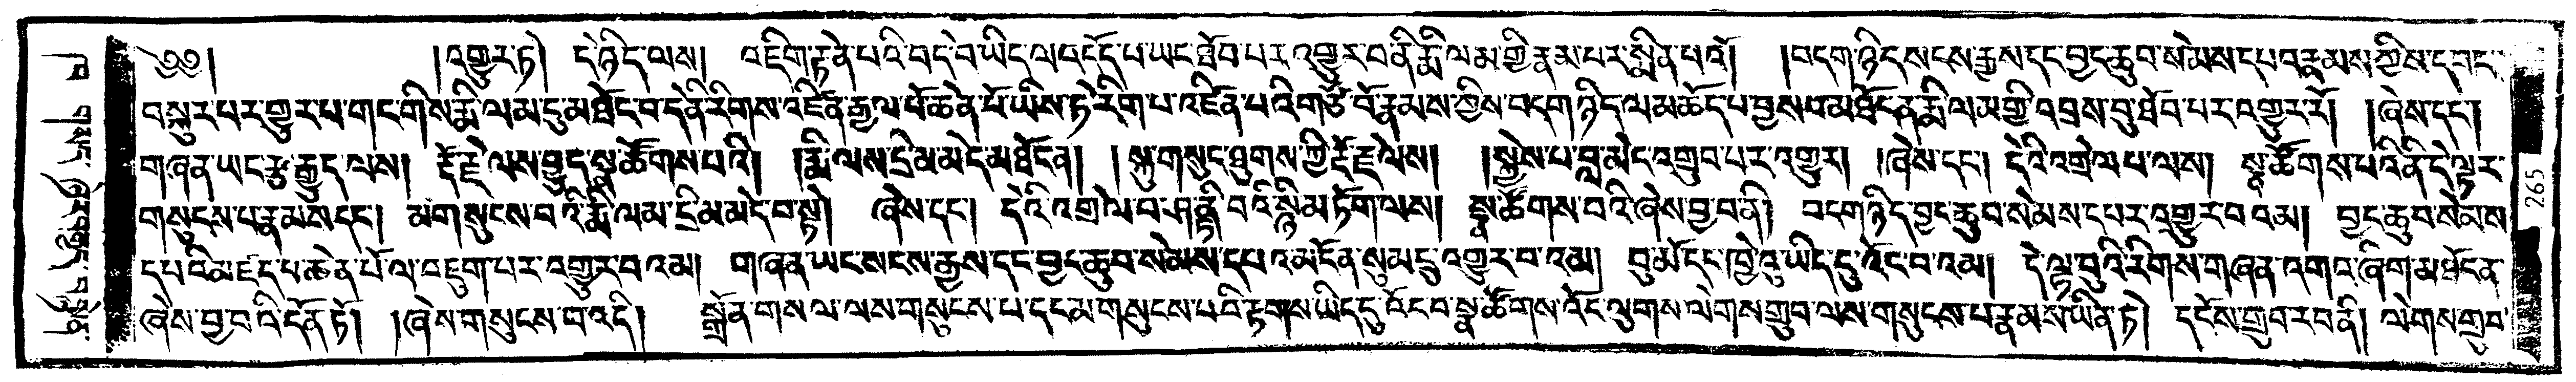༄༅། །འགྱུར་ཏེ། དེ་ཉིད་ལས། འཇིག་རྟེན་པའི་བདེ་བ་ཡིད་ལ་འདོད་པ་ཡང་ཐོབ་པར་འགྱུར་བ་ནི་རྨི་ལམ་གྱི་རྣམ་པར་སྨིན་པའོ། །བདག་ཉིད་སངས་རྒྱས་དང་བྱང་ཆུབ་སེམས་དཔའ་རྣམས་ཀྱིས་དབང་
བསྐུར་པར་གྱུར་པ་གང་གིས་རྨི་ལམ་དུ་མཐོང་བ་དེ་ནི་རིགས་འཛིན་རྒྱལ་པོ་ཆེན་པོ་ཡིས་ཏེ་རིག་པ་འཛིན་པའི་གཙོ་བོ་རྣམས་ཀྱིས་བདག་ཉིད་ལ་མཆོད་པ་བྱས་པ་མཐོང་ན་རྨི་ལམ་གྱི་འབྲས་བུ་ཐོབ་པར་འགྱུར་རོ། །ཞེས་དང་།
གཞན་ཡང་རྩ་རྒྱུད་ལས། རྡོ་རྗེ་ལས་བྱུང་སྣ་ཚོགས་པའི། །རྨི་ལས་དྲི་མ་མེད་མཐོང་ན། །སྐུ་གསུང་ཐུགས་ཀྱི་རྡོ་རྗེ་ལས། །སྐྱེས་པ་བླ་མེད་འགྲུབ་པར་འགྱུར། །ཞེས་དང་། དེའི་འགྲེལ་པ་ལས། སྣ་ཚོགས་པའི་ནི་དེ་ལྟར་
གསུངས་པ་རྣམས་དང་། མ་གསུངས་པའི་རྨི་ལམ་དྲི་མ་མེད་པ་སྟེ། ཞེས་དང་། དེའི་འགྲེལ་བ་ཤནྟི་བའི་སྙིམ་ཏོག་ལས། སྣ་ཚོགས་པའི་ཞེས་བྱ་བ་ནི། བདག་ཉིད་བྱང་ཆུབ་སེམས་དཔར་འགྱུར་བའམ། བྱང་ཆུབ་སེམས་
དཔའི་མཛད་པ་ཆེན་པོ་ལ་འཇུག་པར་འགྱུར་བའམ། གཞན་ཡང་སངས་རྒྱས་དང་བྱང་ཆུབ་སེམས་དཔའ་མངོན་སུམ་དུ་འགྱུར་བའམ། བུ་མོ་དང་ཁྱེའུ་ཡིད་དུ་འོང་བའམ། དེ་ལྟ་བུའི་རིགས་གཞན་འགའ་ཞིག་མཐོང་ན་
ཞེས་བྱ་བའི་དོན་ཏེ། །ཞེས་གསུངས་བ་འདི། སྒྲོན་གསལ་ལས་གསུངས་པ་དང་མ་གསུངས་པའི་རྟགས་ཡིད་དུ་འོང་བ་སྣ་ཚོགས་འོང་ལུགས་ལེགས་གྲུབ་ལས་གསུངས་པ་རྣམས་ཡིན་ཏེ། དངོས་གྲུབ་རབ་ནི། ལེགས་གྲུབ་